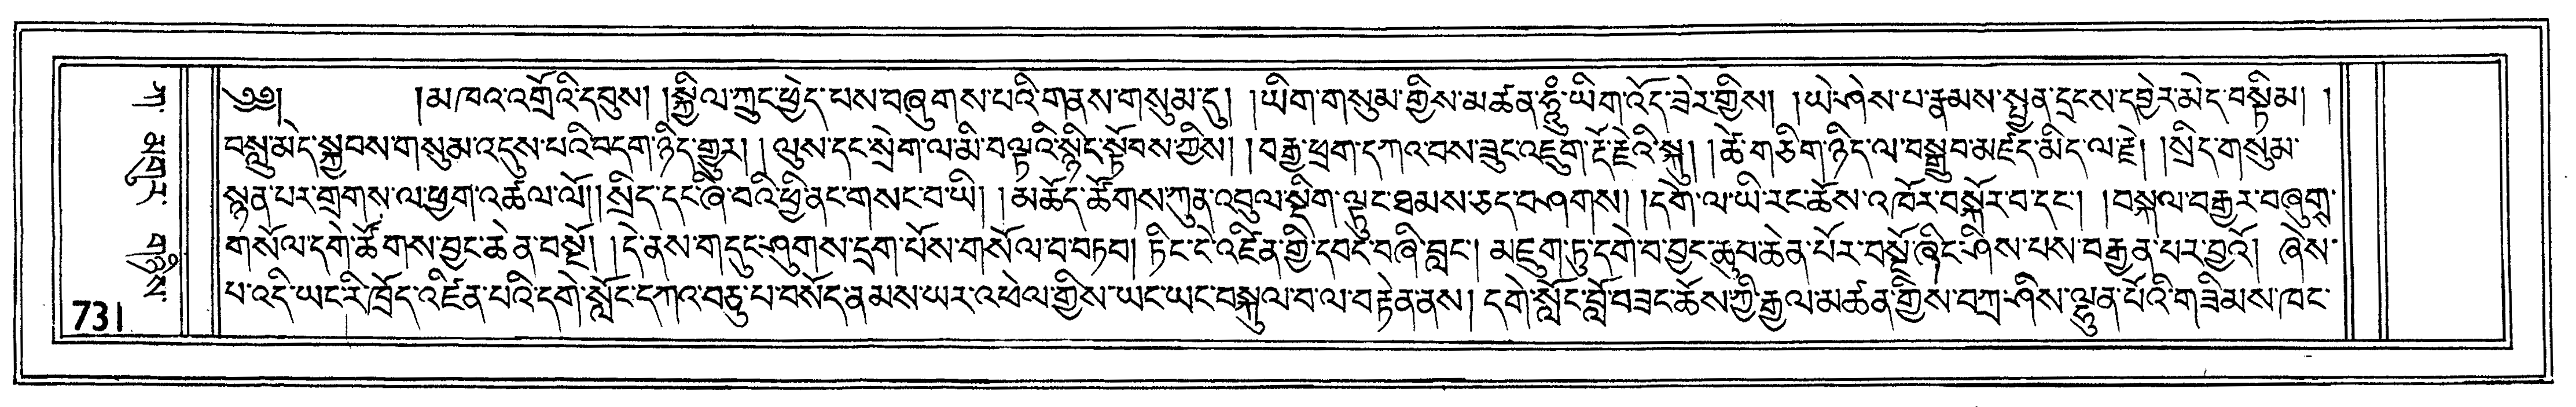༄༅། །མཁའ་འགྲོའི་དབུས། །སྐྱིལ་ཀྲུང་ཕྱེད་པས་བཞུགས་པའི་གནས་གསུམ་དུ། །ཡིག་གསུམ་གྱིས་མཚན་ཧཱུཾ་ཡིག་འོད་ཟེར་གྱིས། །ཡེ་ཤེས་པ་རྣམས་སྤྱན་དྲངས་དབྱེར་མེད་བསྟིམ། །
བསླུ་མེད་སྐྱབས་གསུམ་འདུས་པའི་བདག་ཉིད་གྱུར། །ལུས་དང་སྲེག་ལ་མི་བལྟའི་སྙིང་སྟོབས་ཀྱིས། །བརྒྱ་ཕྲག་དཀའ་བས་ཟུང་འཇུག་རྡོ་རྗེའི་སྐུ། །ཚེ་གཅིག་ཉིད་ལ་བསྒྲུབ་མཛད་མིད་ལ་རྗེ། །སྲིད་གསུམ་
སྙན་པར་གྲགས་ལ་ཕྱག་འཚལ་ལོ། །སྲིད་དང་ཞི་བའི་ཕྱི་ནང་གསང་བ་ཡི། །མཆོད་ཚོགས་ཀུན་འབུལ་སྡིག་ལྟུང་ཐམས་ཅད་བཤགས། །དགེ་ལ་ཡི་རང་ཆོས་འཁོར་བསྐོར་བ་དང་། །བསྐལ་བརྒྱར་བཞུགས་
གསོལ་དགེ་ཚོགས་བྱང་ཆེན་བསྔོ། །དེ་ནས་གདུང་ཤུགས་དྲག་པོས་གསོལ་བ་བཏབ། ཏིང་ངེ་འཛིན་གྱི་དབང་བཞི་བླང་། མཇུག་ཏུ་དགེ་བ་བྱང་ཆུབ་ཆེན་པོར་བསྔོ་ཞིང་ཤིས་པས་བརྒྱན་པར་བྱའོ། ཞེས་
པ་འདི་ཡང་རི་ཁྲོད་འཛིན་པའི་དགེ་སློང་དཀའ་བཅུ་པ་བསོད་ནམས་ཡར་འཕེལ་གྱིས་ཡང་ཡང་བསྐུལ་བ་ལ་བརྟེན་ནས། དགེ་སློང་བློ་བཟང་ཆོས་ཀྱི་རྒྱལ་མཚན་གྱིས་བཀྲ་ཤིས་ལྷུན་པོའི་གཟིམས་ཁང་